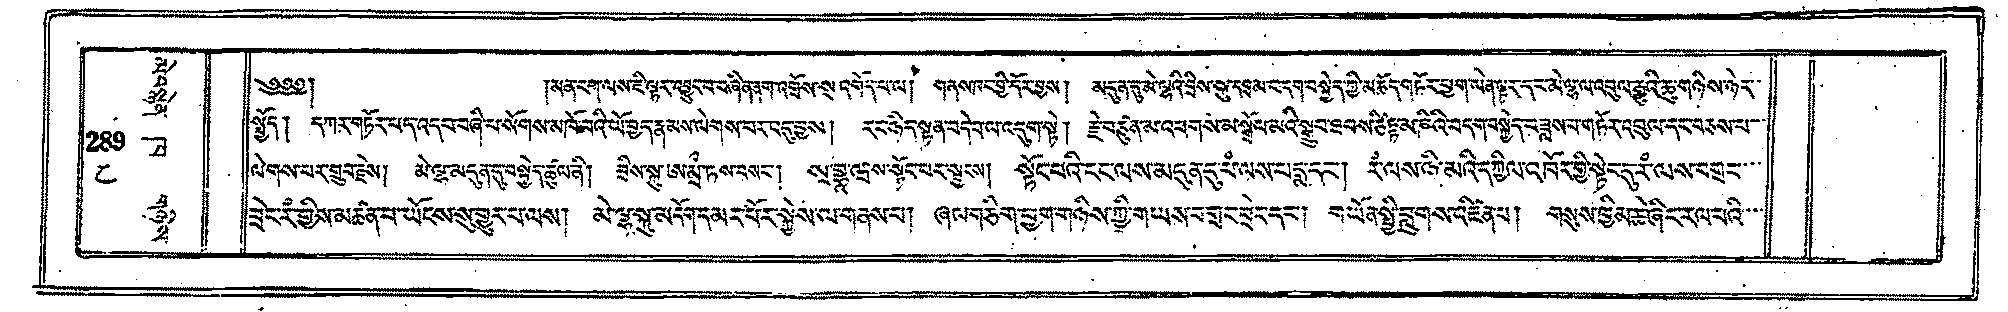༄༅༅། །མན་ངག་ལས་ཇི་ལྟར་འབྱུང་བ་བཞིན་ནག་འགྲོས་སུ་འགོད་པ་ལ། གནས་ཁང་བྱི་དོར་བྱས། མདུན་དུ་མེ་ལྷའི་བྲིས་སྐུ་དགྲམ་བདག་བསྐྱེད་ཀྱི་མཆོད་གཏོར་ཕྱག་ལེན་ལྟར་དང་མེ་ལྷ་ལ་འབུལ་རྒྱུའི་ཆུ་གཉིས་ཉེར་་་
སྤྱོད། དཀར་གཏོར་པད་འདབ་བཞི་པ་སོགས་མཁོ་བའི་ཡོ་བྱད་རྣམས་ལེགས་པར་འདུ་བྱས། རང་ཉིད་སྟན་བདེ་བ་ལ་འདུག་སྟེ། རྗེ་བཙུན་མ་འཕགས་མ་སྒྲོལ་མའི་སྒྲུབ་ཐབས་ཙིཏྟ་མ་ཎིའི་བདག་བསྐྱེད་བཟླས་པ་གཏོར་འབུལ་དང་བཅས་པ་་་
ལེགས་པར་གྲུབ་རྗེས། མེ་ལྷ་མདུན་དུ་བསྐྱེད་ཚུལ་ནི། བྲིས་སྐུ་ཨ་མྲྀ་ཏས་བསང་། སྭ་བྷཱ་ཝས་སྟོང་པར་སྦྱངས། སྟོང་པའི་ངང་ལས་མདུན་དུ་པཾ་ལས་པདམ་དང་། རཾ་ལས་ཉི་མའི་དཀྱིལ་འཁོར་གྱི་སྟེང་དུ་རཾ་ལས་བགྲང་་་
ཕྲེང་རཾ་གྱིས་མཚན་པ་ཡོངས་སུ་གྱུར་པ་ལས། མེ་ལྷ་སྐུ་མདོག་དམར་པོ་ར་སྐྱེས་ལ་གནས་པ། ཞལ་གཅིག་ཕྱག་གཉིས་ཀྱི་གཡས་བགྲང་ཕྲེང་དང་། གཡོན་སྤྱི་བླུགས་འཛིན་པ། གསུས་ཁྱིམ་ཆེ་ཞིང་རལ་པའི་་་